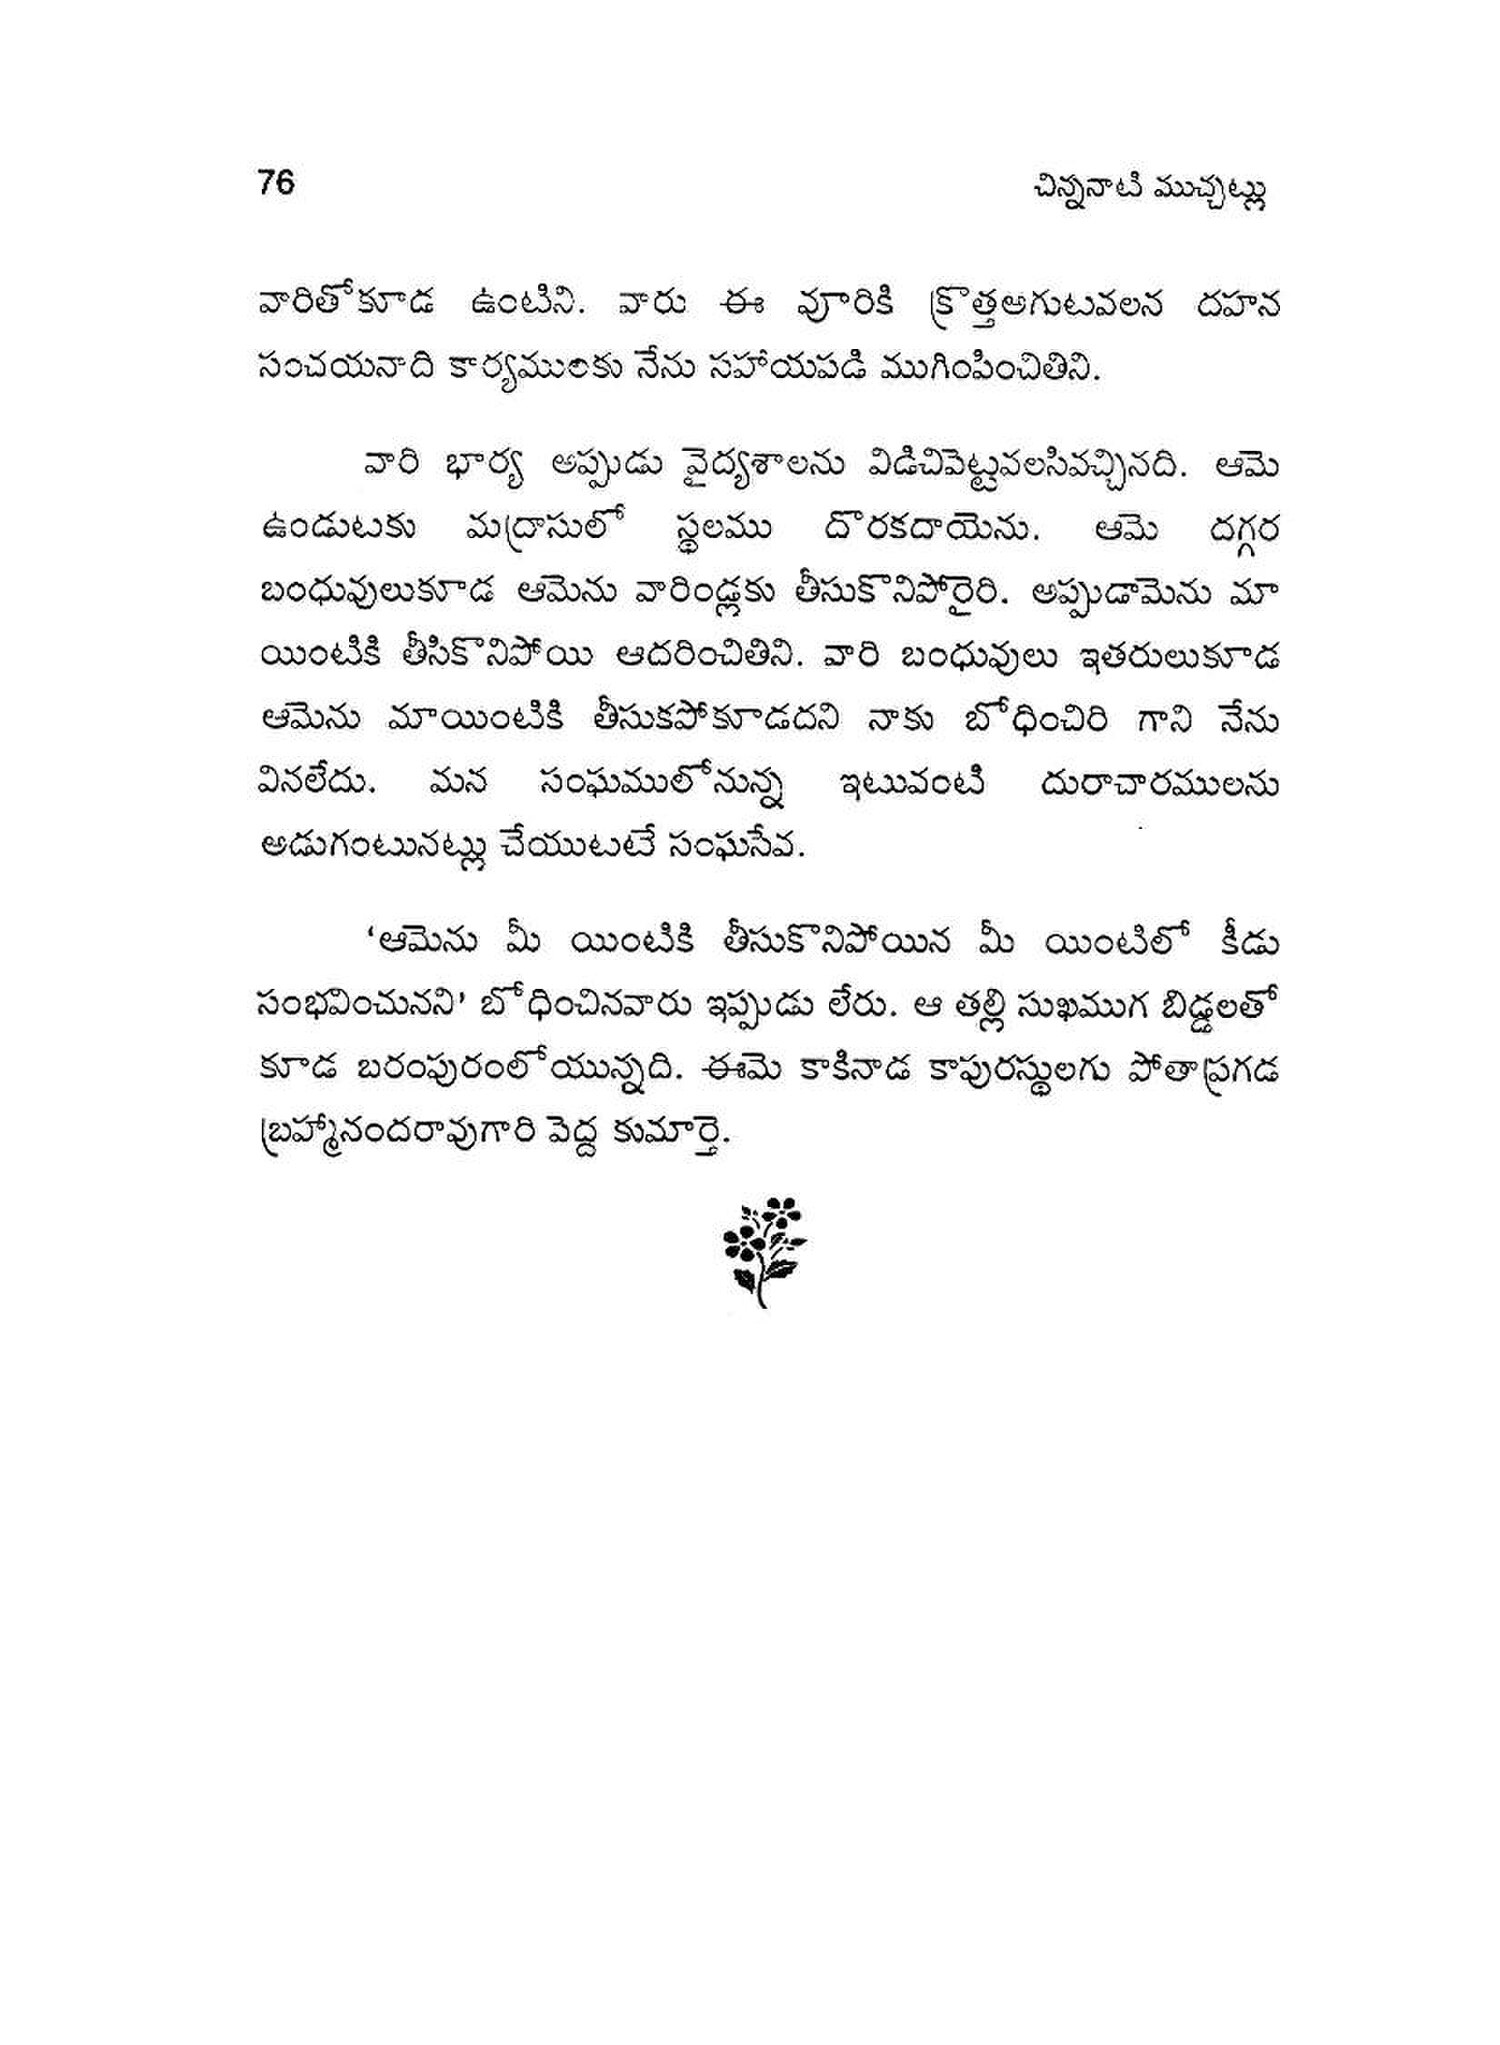వారితో కూడ ఉంటిని. వారు ఈ వూరికి క్రొత్తఅగుటవలన దహన సంచయనాది కార్యములకు నేను సహాయపడి ముగింపించితిని.

వారి భార్య అప్పుడు వైద్యశాలను విడిచిపెట్టవలసివచ్చినది. ఆమె ఉండుటకు మద్రాసులో స్థలము దొరకదాయెను. ఆమె దగ్గర బంధువులుకూడ ఆమెను వారిండ్లకు తీసుకొనిపోరైరి. అప్పడామెను మా యింటికి తీసికొనిపోయి ఆదరించితిని. వారి బంధువులు ఇతరులుకూడ ఆమెను మాయింటికి తీసుకపోకూడదని నాకు బోధించిరి గాని నేను వినలేదు. మన సంఘములోనున్న ఇటువంటి దురాచారములను అడుగంటునట్టు చేయుటయే సంఘసేవ.

'ఆమెను మీ యింటికి తీసుకొనిపోయిన మీ యింటిలో కీడు సంభవించునని' బోధించినవారు ఇప్పడు లేరు. ఆ తల్లి సుఖముగ బిడ్డలతో కూడ బరంపురంలోయున్నది. ఈమె కాకినాడ కాపురస్తులగు పోతాప్రగడ బ్రహ్మానందరావుగారి పెద్ద కుమార్తె.